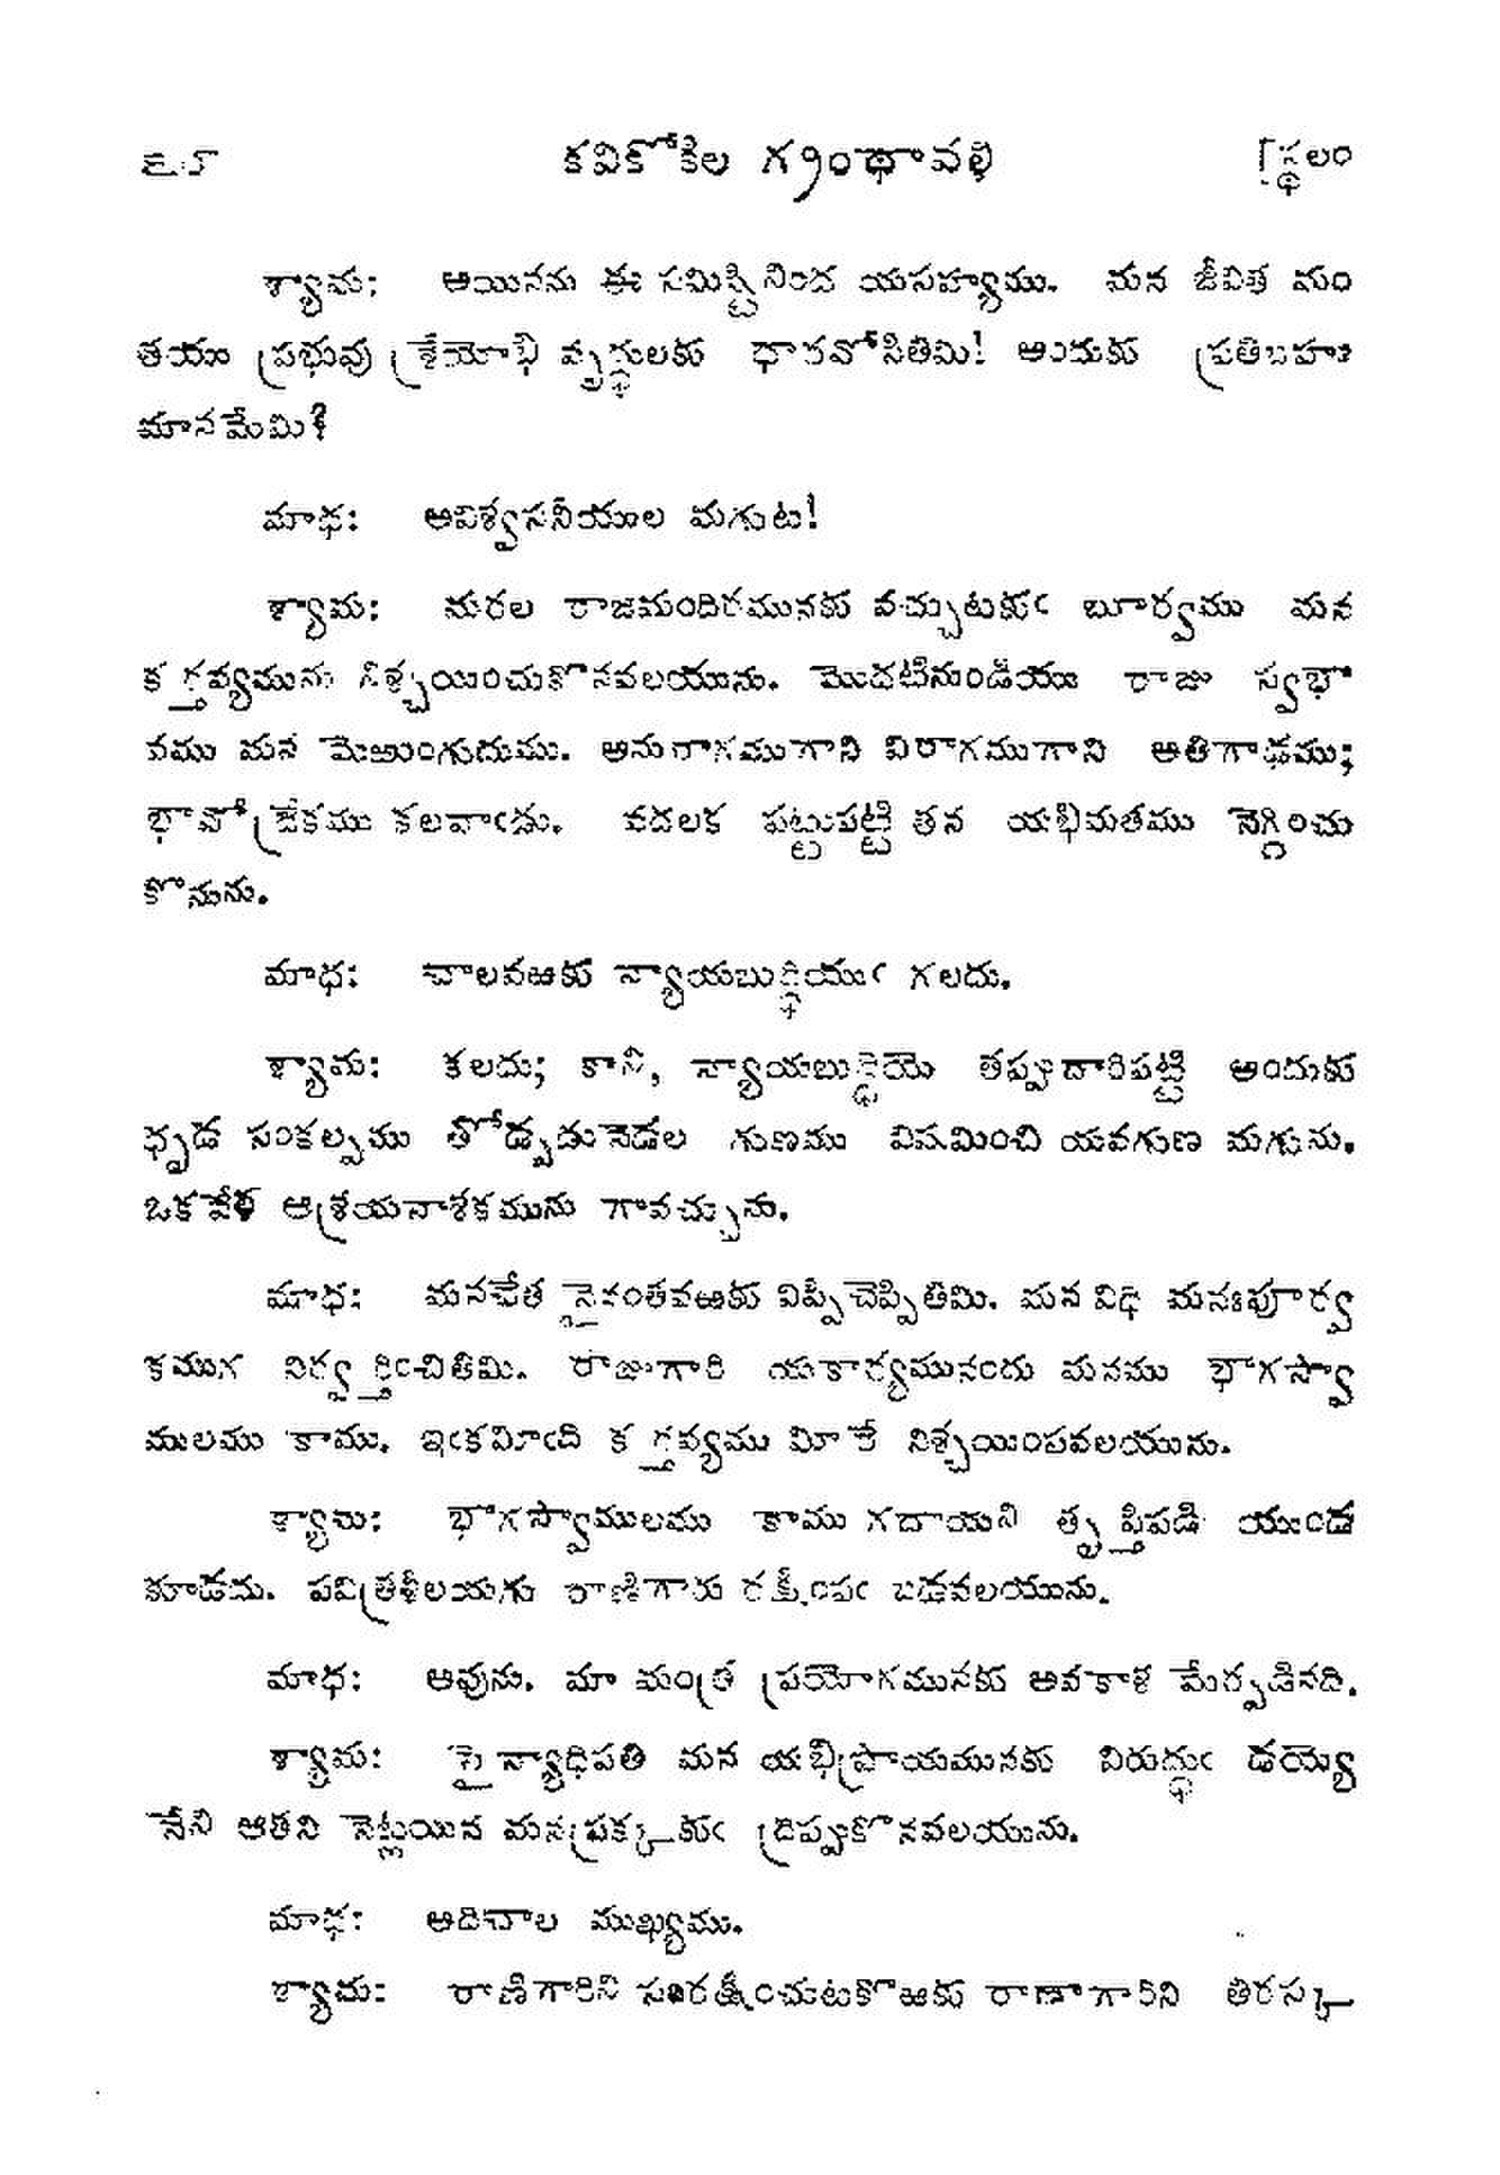శ్యామ : అయినను ఈ సమిష్టి నింద యసహ్యము. మన జీవిత మంతయు ప్రభువు శ్రేయోభి వృద్ధులకు ధారవోసితిమి ! అందుకు ప్రతిబహుమానమేమి?

మాధ : అవిశ్వసనీయుల మగుట!

శ్యామ : మరల రాజమందిరమునకు వచ్చుటకుఁ బూర్వము మనకర్తవ్యమును నిశ్చయించుకొనవలయును. మొదటినుండియు రాజు స్వభావము మన మెఱుంగుదుము. అనురాగము గాని విరాగముగాని అతిగాఢము; భావోద్రేకము కలవాఁడు. వదలక పట్టువట్టి తన యభిమతము నెగ్గించుకొనును.

మాధ : చాలవఱకు న్యాయబుద్ధియుఁ గలదు.

శ్యామ : కలదు; కాని, న్యాయబుద్ధియె తప్పుదారిపట్టి అందుకు ధృడ సంకల్పము తోడ్పడునెడల గుణము విషమించి యవగుణ మగును. ఒకవేళ ఆశ్రయనాశకమును గావచ్చును.

మాధ : మనచేత నైనంతవఱకు విప్పి చెప్పితిమి. మన విధి మన:పూర్వకముగ నిర్వర్తించితిమి. రాజుగారి యకార్యమునందు మనము భాగస్వాములము కాము. ఇఁకమీఁది కర్తవ్యము మీరే నిశ్చయింపవలయును.

శ్యామ : భాగస్వాములము కాము గదాయని తృప్తిపడి యుండకూడదు. పవిత్రశీలయగు రాణిగారు రక్షింపఁ బడవలయును.

మాధ : అవును. మా మంత్ర ప్రయోగమునకు అవకాశ మేర్పడినది.

శ్యామ : సైన్యాధిపతి మన యభిప్రాయమునకు విరుద్ధుఁ డయ్యె నేని అతని నెట్లయిన మనప్రక్కకుఁ ద్రిప్పుకొనవలయును.

మాధ : అదిచాల ముఖ్యము.

శ్యామ : రాణిగారిని సంరంక్షిచుటకొఱకు రాణాగారిని తిరస్క